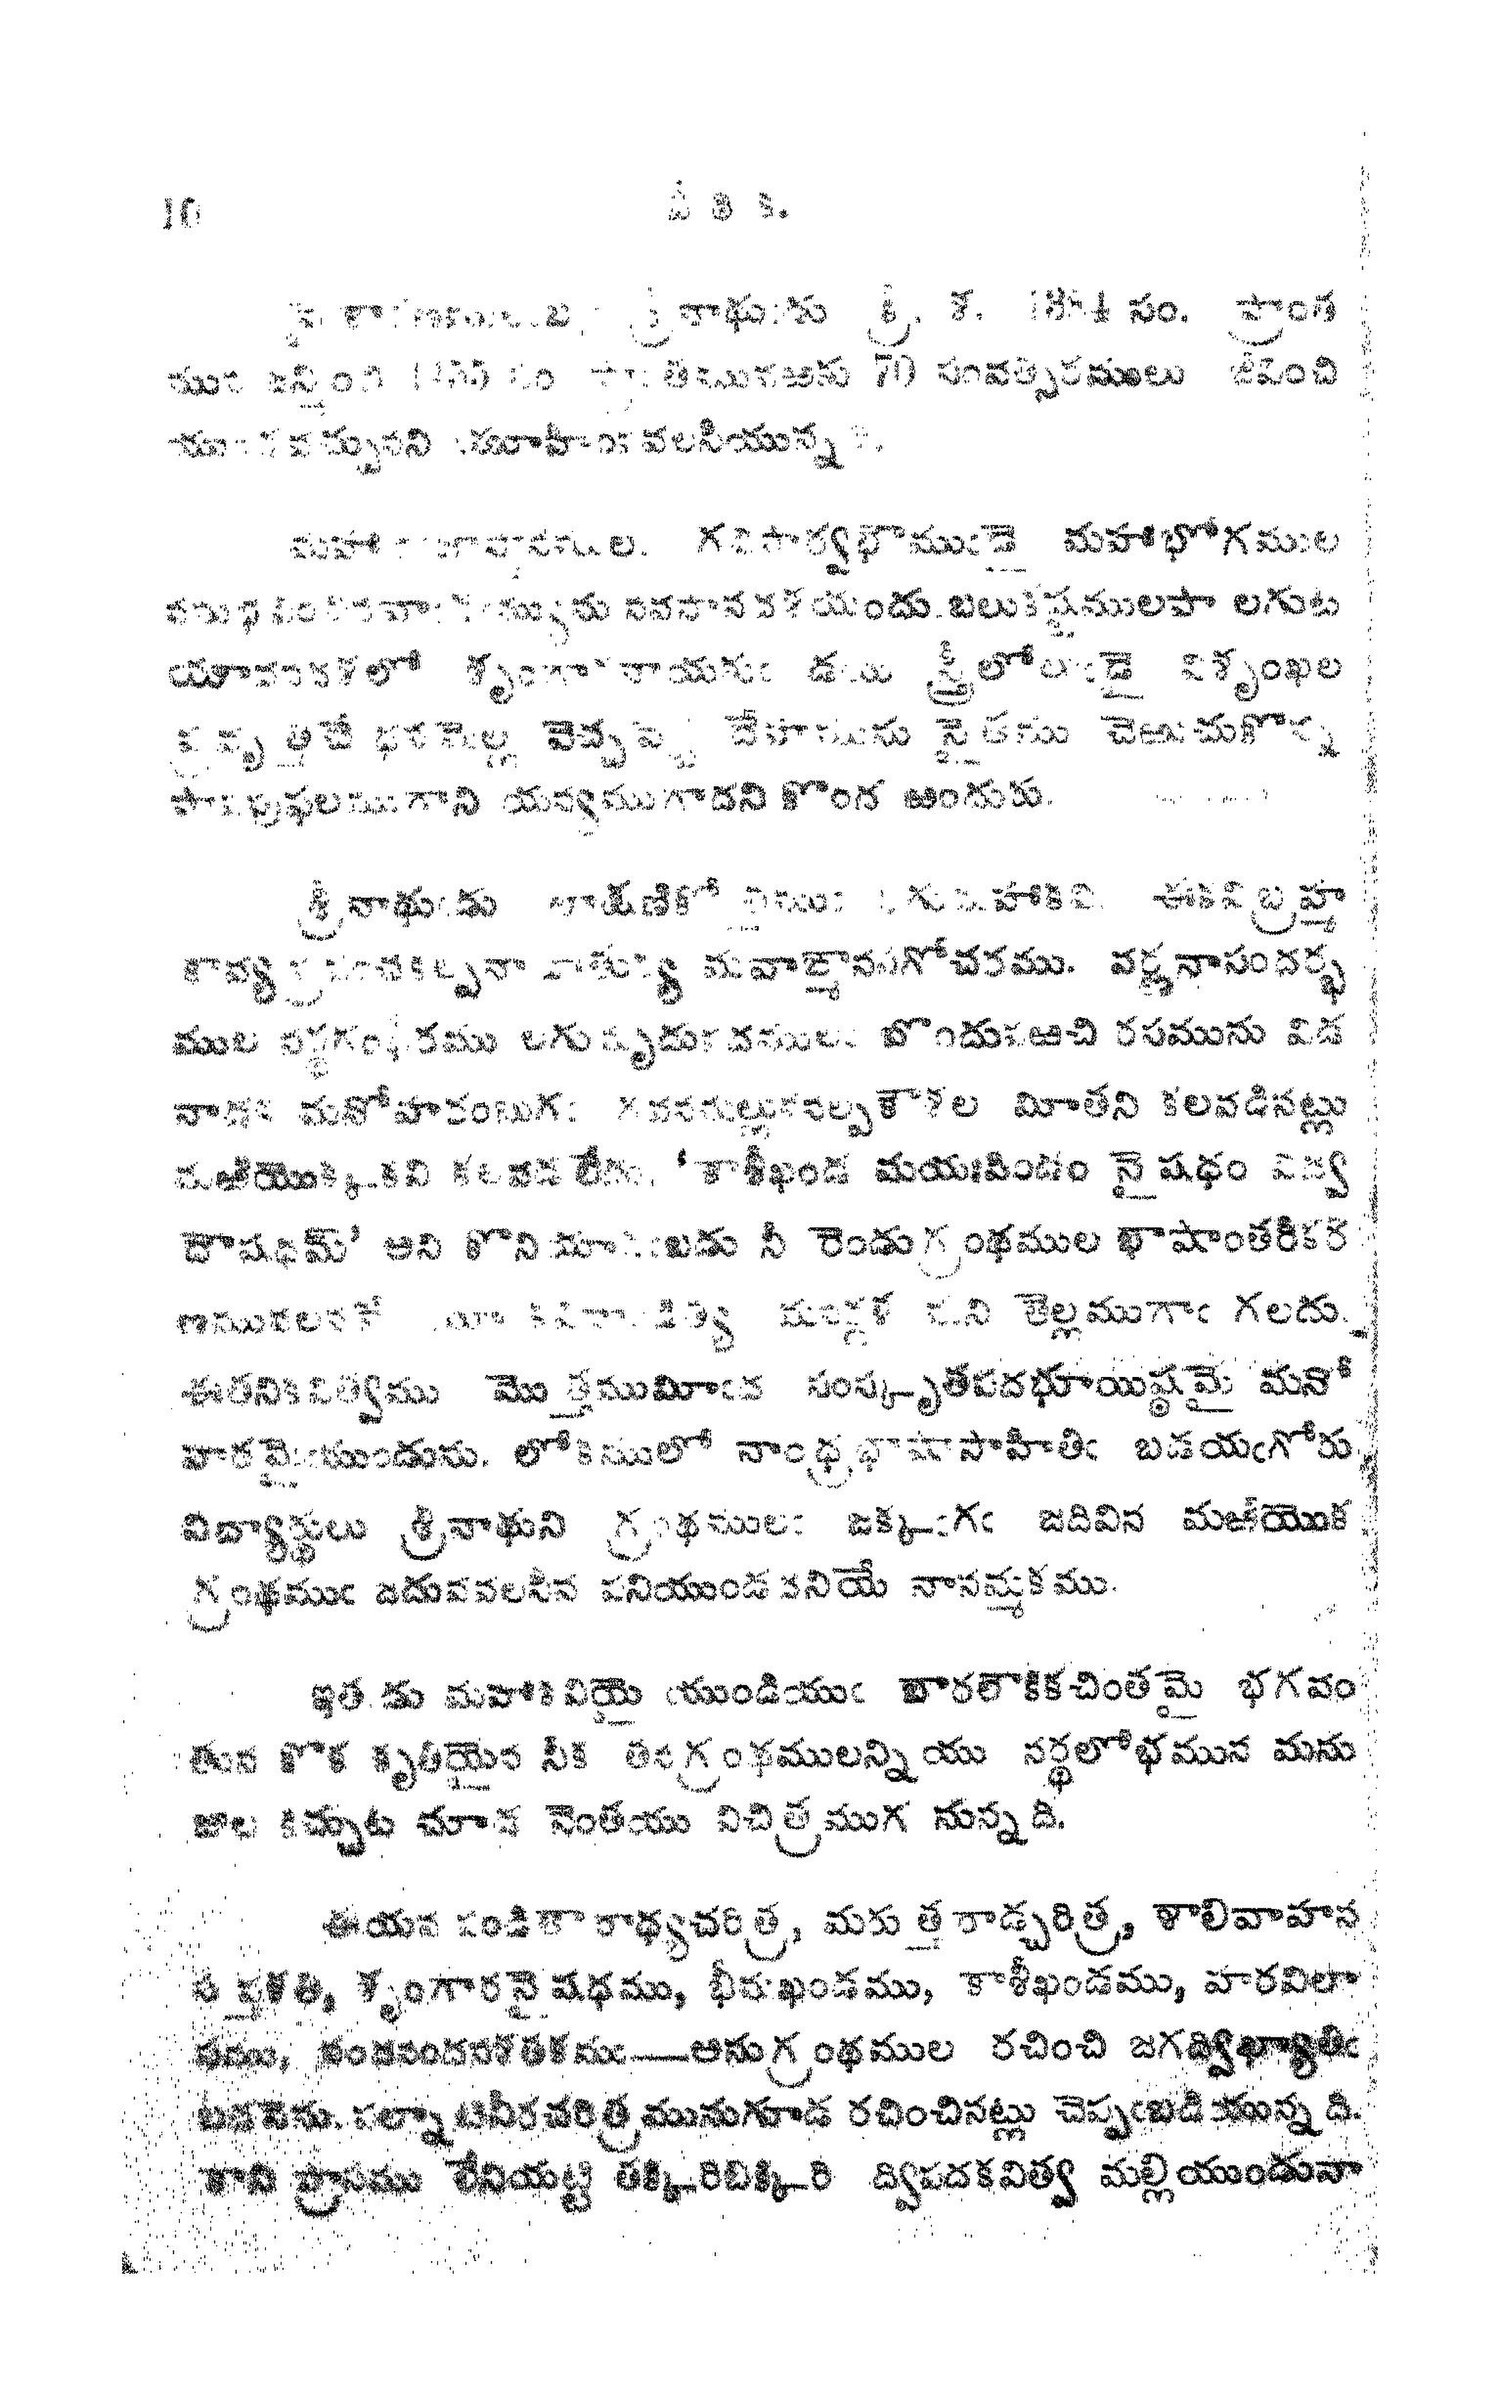పైకారణములఁబట్టి శ్రీనాథుఁడు క్రీ. శ. 1384 సం. ప్రాంతమున జన్మించి 1455 సం ప్రాంతమువఱకు 70 సంవత్సరములు జీవించియుండవచ్చునని యూహింపవలసియున్నది.

మహారాజాస్థానముల గవిసార్వభౌముఁడై మహాభోగముల ననుభవించినవాఁడయ్యును నవసానదశయందు బలుకష్టములపా లగుట యౌవనదశలో శృంగారనాయకుఁ డయి స్త్రీలోలుడై విశృంఖలప్రవృత్తిచే ధనమెల్ల వెచ్చవెట్టి దేహమును సైతము చెఱచుకొన్న పాపపుఫలముగాని యన్యముగాదని కొంద ఱందురు.

శ్రీనాథుఁడు లాక్షణికోత్తముఁ డగుమహాకవి. ఈకవిబ్రహ్మ కావ్యప్రపంచకల్పనాచాతుర్య మవాఙ్మానసగోచరము. వర్ణనాసందర్భముల నర్థగంభీరము లగుమృదుపదముల బొందుపఱచి రసమును విడనాడక మనోహరంబుగఁ గవనమల్లు ననల్పకౌశల మీతని కలవడినట్లు మఱియొక్కకవి కలవడలేదు. "కాశీఖండ మయఃపిండం నైషధం విద్వ దౌషధమ్' అని కొనియాడఁబడు నీ రెండుగ్రంథముల భాషాంతరీకరణములవలననే యీ కవిపాండిత్య మనర్గళ మని తెల్లము గాఁగలదు. ఈతనికవిత్వము మొత్తముమీఁద సంస్కృతపదభూయిష్ఠమై మనోహరమైయుండును. లోకములో నాంధ్రభాషాసాహితిఁ బడయఁగోరు విద్యార్థులు శ్రీనాథుని గ్రంథములఁ జక్కఁగఁ జదివిన మఱియొక గ్రంథముఁ జదువవలసిన పనియుండదనియే నానమ్మకము.

ఇతడు మహాకవియై యుండియుఁ బారలౌకికచింతమై భగవంతున కొక కృతియైన నీక తనగ్రంథములన్నియు నర్థలోభమున మనుజుల కిచ్చుట చూడ నెంతయు విచిత్రముగ నున్నది.

ఈయన పండితారాధ్యచరిత్ర, మరుత్తరాడ్చరిత్ర, శాలివాహన సప్తశతి, శృంగారనైషధము, భీమఖండము, కాశీఖండము, హరవిలాసము, నంధనందనశతకము - అనుగ్రంథముల రచించి జగద్విఖ్యాతిఁ బడసెను. పల్నాటివీరచరిత్రమునుగూడ రచించినట్లు చెప్పఁబడియున్నది. కాని ప్రాసము లేనియట్టి తక్కిరిబిక్కిరి ద్విపదకవిత్వ మల్లియుండునా